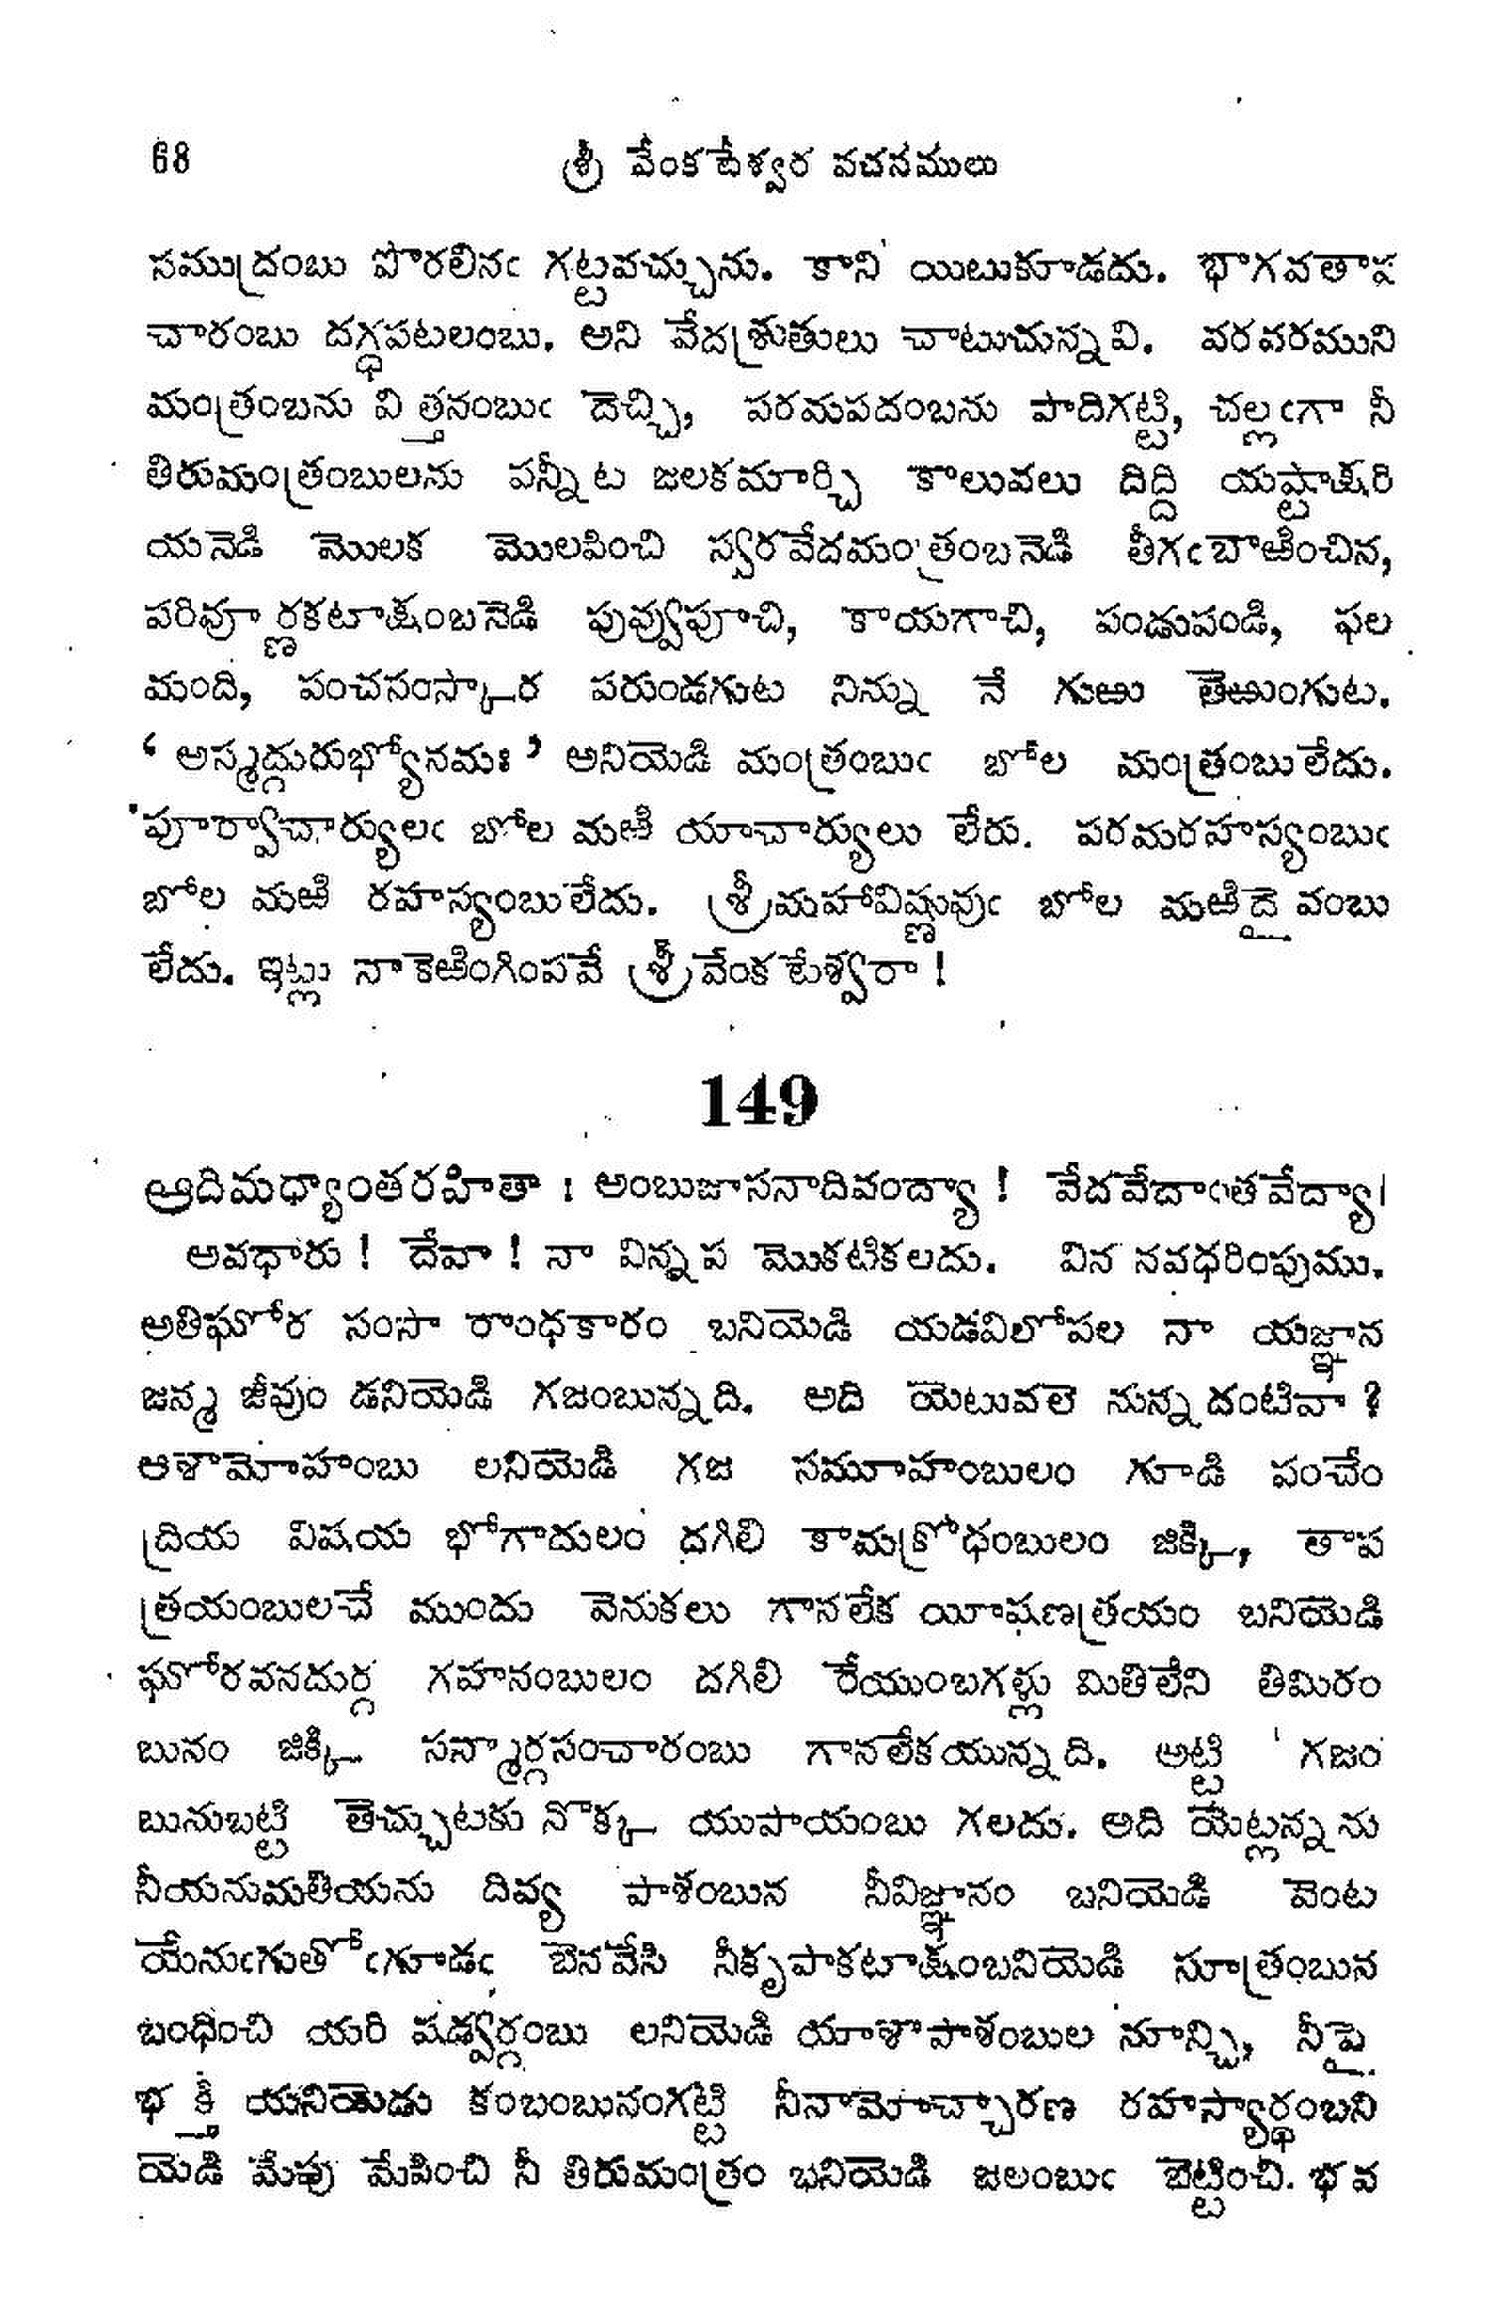సముద్రంబు పొరలినఁ గట్టవచ్చును. కాని యిటుకూడదు. భాగవతాప చారంబు దగ్గపటలంబు, అని వేదశ్రుతులు చాటుచున్నవి. వరవరముని మంత్రంబను విత్తనంబుఁ దెచ్చి, పరమపదంబను పాదిగట్టి, చల్లఁగా నీ తిరుమంత్రంబులను పన్నీట జలకమార్చి కాలువలు దిద్ది యష్టాక్షరి యనెడి మొలక మొలపించి స్వర వేదమంత్రంబనెడి తీగఁబాఱించిన, పరిపూర్ణకటాక్షంబనెడి పువ్వుపూచి, కాయగాచి, పండుపండి, ఫల మంది, పంచసంస్కార పరుండగుట నిన్ను నే గుఱు తెఱుంగుట. "అస్మద్గురుభ్యోనమః " అనియెడి మంత్రంబుఁ బోల మంత్రంబు లేదు. 'పూర్వాచార్యులఁ బోల మణి యాచార్యులు లేరు. పరమరహస్యంబుఁ బోల మఱి రహస్యంబు లేదు. శ్రీమహావిష్ణువుఁ బోల మఱిదై వంబు లేదు. ఇట్లు నా కెఱింగింపవే శ్రీ వేంకటేశ్వరా !

149

 ! అంబుజాసనాది వంద్యా ! 'వేదవేదాంత వేద్యా!అవధారు ! దేవా ! నా విన్నప 'మొకటిక లదు. విన నవధరింపుము, అతిఘోర సంసా 'రాంధకారం బనియెడి యడవిలోపల నా యజ్ఞాన జన్మ జీవుం డనియెడి గజంబున్నది. అది యెటువలె నున్నదంటివా? ఆశామోహంబు లనియెడి గజ సమూహంబులం గూడి పంచేంద్రియ విషయ భోగాదులం దగిలి కామక్రోధంబులం జిక్కి, తాప త్రయంబులచే ముందు వెనుకలు గాన లేక యీషణత్రయం బనియెడి ఘోర వనదుర్గ గహనంబులం దగిలి రేయుంబగళ్లు మితి లేని తిమిరం బునం జిక్కి, సన్మార్గసంచారంబు గాన లేక యున్నది. అట్టి 'గజం బునుబట్టి తెచ్చుటకు నొక్క యుపాయంబు గలదు. అది యెట్లన్నను నీయనుమతియను దివ్య పాశంబున నీవిజ్ఞానం బనియెడి వెంట యేనుఁగుతోఁగూడఁ బెన వేసి నీకృపాకటాక్షంబనియెడి సూత్రంబున బంధించి యరి షడ్వర్గంబు లనియెడీ యాశాపాశంబుల నూన్చి, నీపై భక్తి యనియెడు కంబంబునంగట్టి నీనామోచ్చారణ రహస్యార్థంబని యెడి 'మేపు మేపించి నీ తిరుమంత్రం బనియెడి జలంబుఁ బెట్టింది. భవ